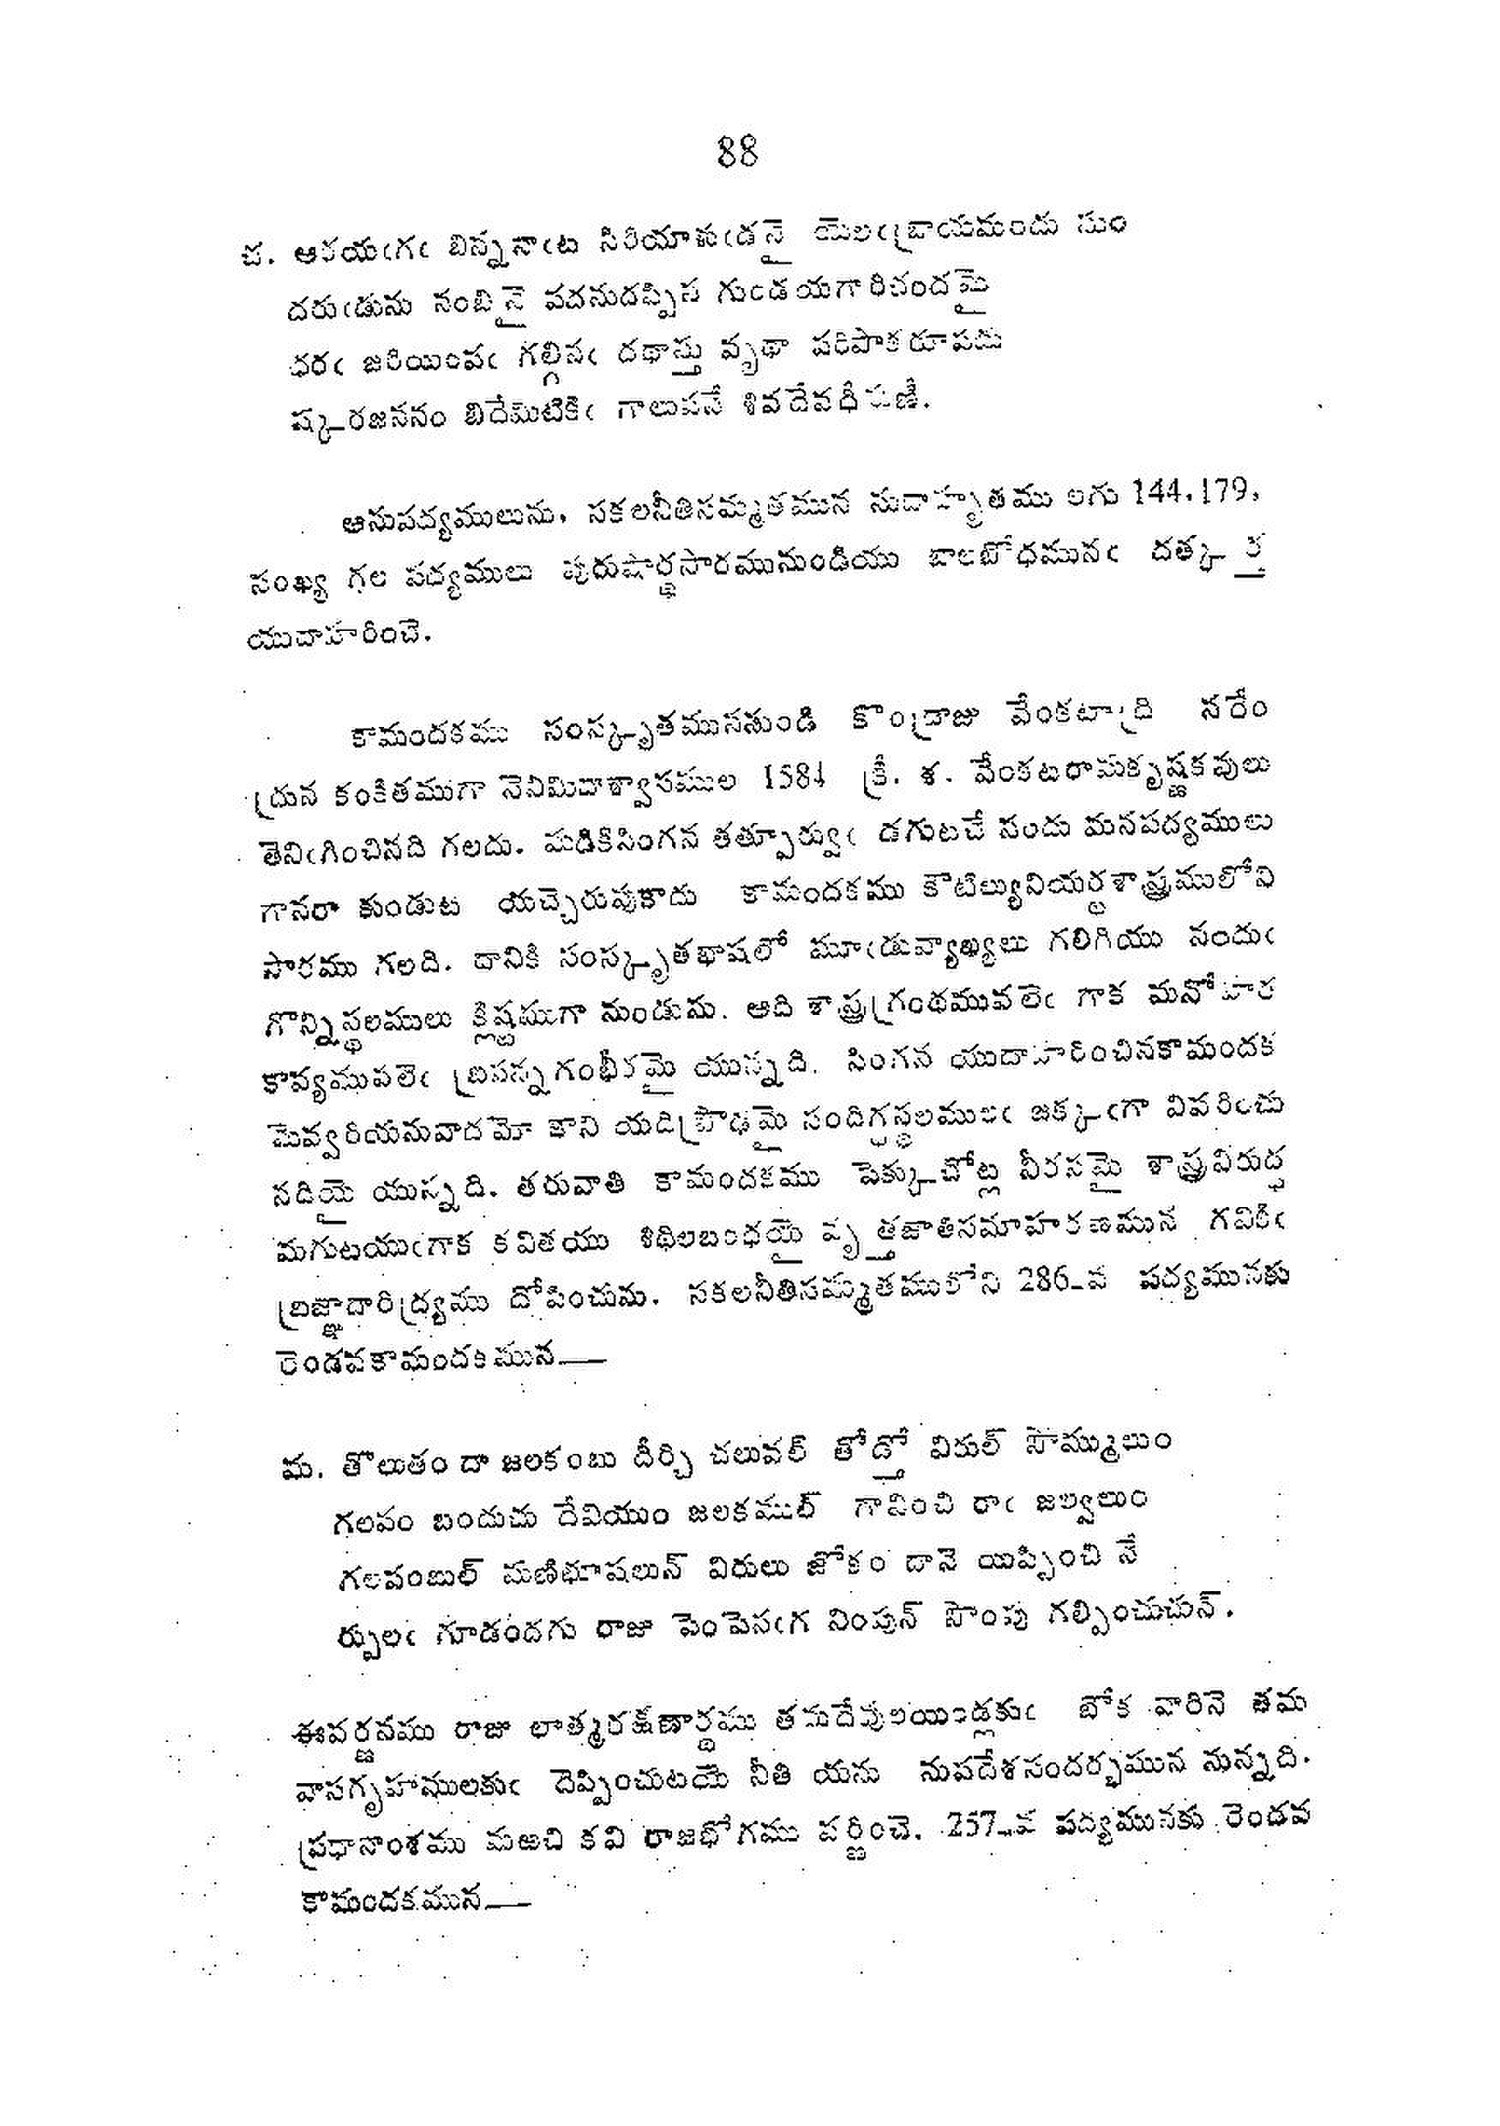అనుపద్యములును, సకలనీతిసమ్మతమున నుదాహృతము లగు 144, 179, సంఖ్య గల పద్యములు పురుషార్థసారమునుండియు బాలబోధమునఁ దత్కర్త యుదాహరించె.

కామందకము సంస్కృతముననుండి కొండ్రాజు వేంకటాద్రి నరేంద్రున కంకితముగా నెనిమిదాశ్వాసములు 1584 క్రీ. శ. వేంకటరామకృష్ణకవులు తెనిఁగించినది గలదు. మడికి సింగన తత్పూర్వుఁ డగుటచే నందు మనపద్యములు గానరాకుండుట యచ్చెరువు కాదు. కామందకము కౌటిల్యునియర్థశాస్త్రములోని సారము గలది. దానికి సంస్కృతభాషలో మూఁడువ్యాఖ్యలు గలిగియు నందుఁ గొన్నిస్థలములు క్లిష్టముగా నుండును. అది శాస్త్రగ్రంథమువలెఁ గాక మనోహరకావ్యమువలెఁ బ్రసన్నగంభీరమై యున్నది. సింగన యుదాహరించినకామందక మెవ్వరియనువాదమో కాని యడి ప్రౌఢమై సందిగ్ధస్థలములఁ జక్కఁగా వివరించునదియై యున్నది. తరువాతి కామందకము పెక్కుచోట్ల నీరసమై శాస్త్రవిరుద్ధ మగుటయుఁ గాక కవితయు శిథిలబంధయై వృత్తజాతిసమాహరణమున గవికిఁ బ్రజ్ఞాదారిద్ర్యము దోపించును. సకలనీతిసమ్మతములోని 286 వ పద్యమునకు రెండవకామందకమున—
 
ఈవర్ణనము రాజు లాత్మరక్షణార్థము తమదేవులయిండ్లకుఁ బోక వారినే తమవాసగృహములకుఁ దెప్పించుటయె నీతి యను నుపదేశసందర్భమున నున్నది. ప్రధానాంశము మఱచి కవి రాజభోగము వర్ణించె. 257 వ పద్యమునకు రెండవకామందకమున—